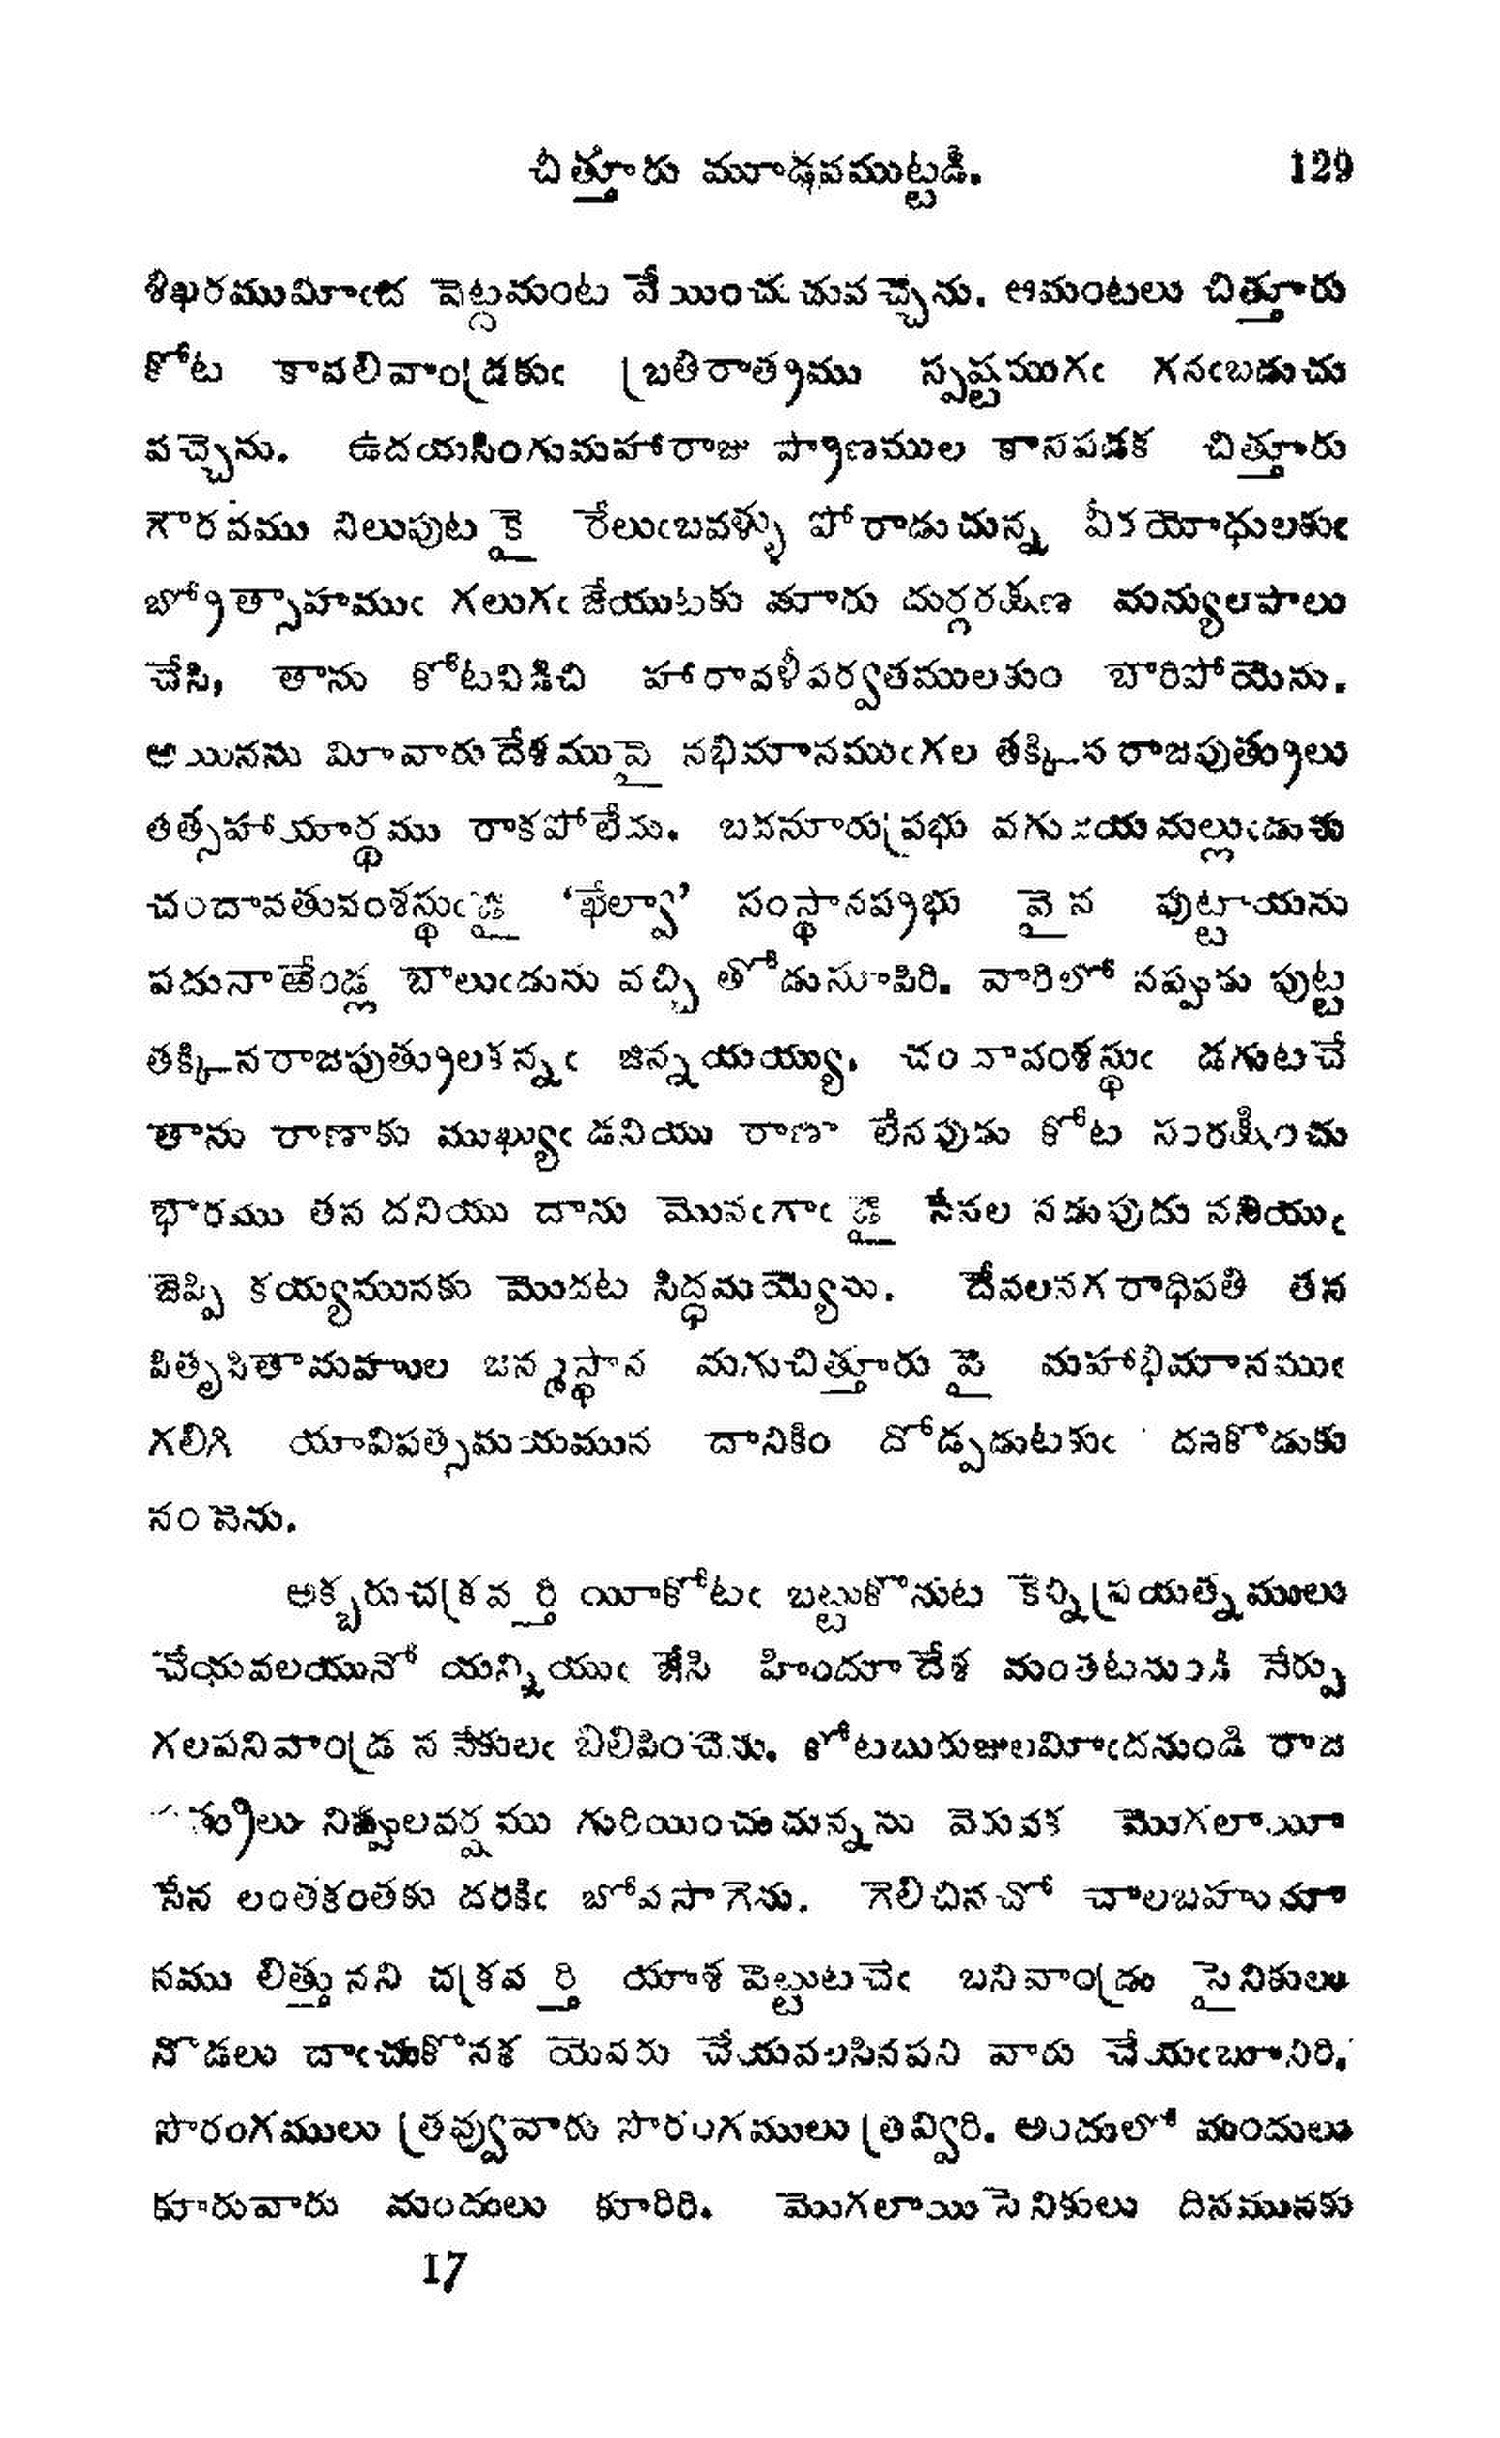శిఖరము మీఁద పెద్దమంట వేయించుచువచ్చెను. ఆమంటలు చిత్తూరు కోట కావలివాండ్రకుఁ బ్రతిరాతము స్పష్టముగఁ గనఁబడుచు
వచ్చెను. ఉదయసింగు మహారాజు ప్రాణముల కాసపడక చిత్తూరు గౌరవము నిలుపుటకై రేలుఁబవళ్ళు పోరాడుచున్న వీర యోధులకుఁ
బోత్సాహముఁ గలుగఁ జేయుటకు మారు దుర్గరక్షణ మన్యులపాలు చేసి, తాను కోటవిడిచి హారావళీ పర్వతములకుం బారిపోయెను.
అయినను మీవారు దేశముపై నభిమానముఁగల తక్కిన రాజపుత్రులు తత్సహాయార్ధము రాకపోలేదు. బదనూరు ప్రభు వగు జయమల్లుఁడును చందావతువంశస్థుఁడై 'ఖేల్వా' సంస్థానప్రభు వైన ఫుట్టాయను పదునాఱేండ్ల బాలుఁడును వచ్చి తోడుసూపిరి. వారిలో నప్పుడు పుట్ట తక్కి నరాజపుతులకన్నఁ జిన్నయయ్య. చందా వంశస్థుఁ డగుటచే తాను రాణాకు ముఖ్యుఁడనియు రాణా లేనపుడు కోట సంరక్షించు భారము తన దనియు దాను మొనఁగాఁడై సేనల నడుపుదు ననియు, జెప్పి కయ్యమునకు మొదట సిద్ధమయ్యెము. దేవలనగరాధిపతి తన పితృపితామహుల జన్మస్థాన మగుచిత్తూరు పై మహాభిమానముఁ గలిగి యావిపత్సమయమున దానికిం దోడ్పడుటకుఁ దనకొడుకు నంపెను.

అక్బరు చక్రవర్తి యీకోటఁ బట్టుకొనుట కెన్ని ప్రయత్నములు చేయవలయునో యన్నియుఁ జేసి హిందూ దేశ మంతటనుండి నేర్పుగల పనివాండ్ర ననేకులఁ బిలిపించెను. కోటబురుజుల మీఁదనుండి రాజపుత్రులు నిప్పులవర్షము గురియించు చున్నను వెరువక మొగలాయీ
సేన లంతకంతకు దరికిఁ బోవ సాగెను. గెలిచినచో చాల బహుమానము లిత్తునని చక్రవర్తి యాశ పెట్టుట చేఁ బనివాండ్రు సైనికులు
నోడలు దాచుకోనక యెవరు చేయవలసిన పని వారు చేయఁబూనిరి, సొరంగములు త్రవ్వువారు సొరంగములు త్రవ్విరి. అందులో మందులు
కూరువారు మందులు కూరిరి. మొగలాయి సైనికులు దినమునకు